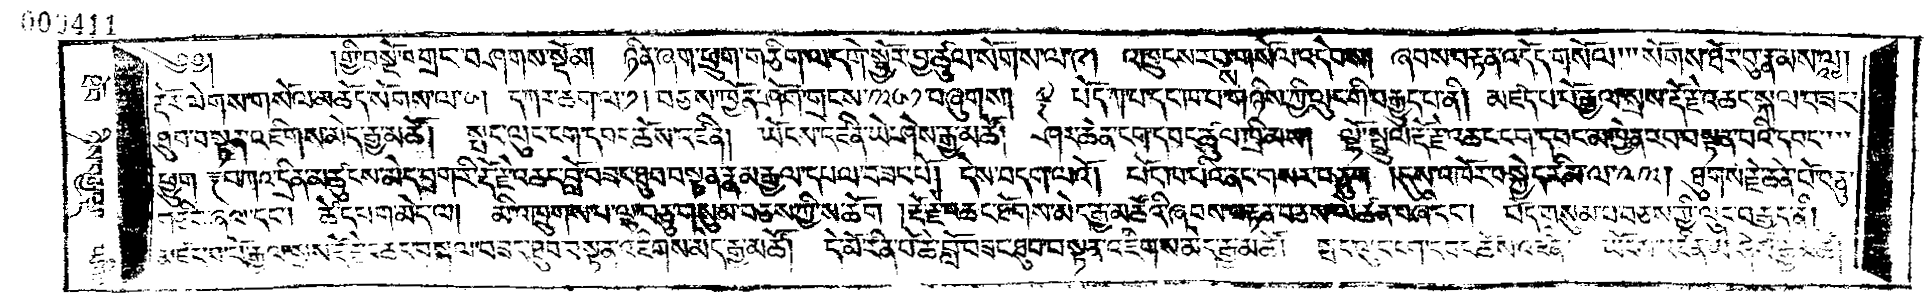༄༅། །གྱི་བསྔོ་བགྲང་བཤགས་སྡོམ། ཉིན་ཞག་ཕྲུག་གཅིག་ལ་དགེ་སྦྱོར་བྱ་ཚུལ་སོགས་ལ༩། འཁྲུངས་རབས་གསོལ་འདེབས། ཞབས་བརྟན་འདོད་གསོལ་སོགས་ཐར་བུ་རྣམས་ལ༢༤།
རྡོར་ལེགས་གསོལ་མཆོད་སོགས་ལ༦། དཀར་ཆག་ལ ༡། བཅས་ཁྱོན་ཤོག་གྲངས ༣༦༡་བཞུགས། ༈པོད་ཀ་པ་དང་ཁ་པ་གཉིས་ཀྱི་ལུང་གི་བརྒྱུད་པ་ནི། མཛད་པ་པོ་རྒྱལ་སྲས་རྡོ་རྗེ་འཆང་སྐལ་བཟང་
ཐུབ་བསྟན་འཇིགས་མེད་རྒྱ་མཚོ། སྤང་ལུང་ངག་དབང་ཆོས་འཛིན། ཡོངས་འཛིན་ཡེ་ཤེས་རྒྱ་མཚོ། ཤར་ཆེན་ངག་དབང་ཚུལ་ཁྲིམས། ལྷོ་སྤྲུལ་རྡོ་རྗེ་འཆང་ངག་དབང་མཁྱེན་རབ་བསྟན་པའི་དབང་
ཕྱུག ༑བཀའ་དྲིན་མཚུངས་མེད་བྲག་རི་རྡོ་རྗེ་འཆང་བློ་བཟང་ཐུབ་བསྟན་རྣམ་རྒྱལ་དཔལ་བཟང་པོ། དེས་བདག་ལའོ། པོད་ཁ་པའི་ནང་གསར་བཅུག །དུས་འཁོར་བསྐྱེད་རིམ་ལ ༢༣། ཐུགས་རྗེ་ཆེན་པོ་བཅུ་
གཅིག་ཞལ་དང་། ཚེ་དཔག་མེད་ལ། མི་འཁྲུགས་པ་ལྷ་བཅུ་གསུམ་བཅས་ཀྱི་ས་ཆོག །རྡོ་རྗེ་འཆང་ཐོགས་མེད་རྒྱ་མཚོའི་ཞབ་བརྟན་བཅས་ལེ་ཚན་བཞི་དང་། པོད་གསུམ་པ་བཅས་ཀྱི་ལུང་བརྒྱུད་ནི།
མཛད་པ་པོ་རྒྱལ་སྲས་རྡོ་རྗེ་འཆང་བསྐལ་བཟང་ཐུབ་བསྟན་འཇིགས་མེད་རྒྱ་མཚོ། དེ་མོ་རིན་པོ་ཆེ་བློ་བཟང་ཐུབ་བསྟན་འཇིགས་མེད་རྒྱ་མཚོ། སྤང་ལུང་ངག་དབང་ཆོས་འཛིན། ཡོངས་འཛིན་ཡེ་ཤེས་རྒྱ་མཚོ།